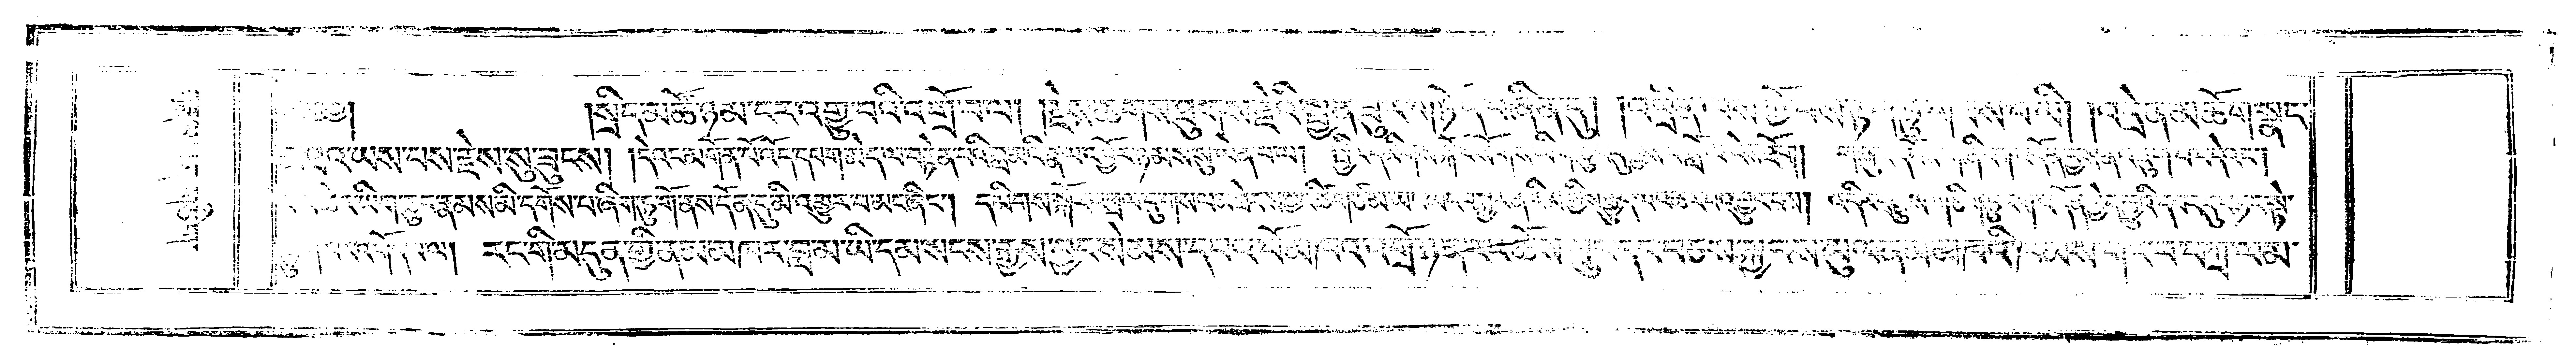༄༅༅། །སྲིད་མཚོ་ཉམ་ངར་འགྱུ་བའི་འགྲོ་བ་ལ། །རྗེས་ཆགས་ཐུགས་རྗེའི་སྤྱན་ཟུར་གཏོད་བཞིན་དུ། །འཕྲིན་ལས་ཀྱོ་བས་རྟག་ཏུ་གཟས་བ་ཡི། །འདྲེན་མཆོག་སྣང་
མཐའ་ཡས་པས་རྗེས་སུ་ཟུངས། །དེའང་མགོན་པོ་འོད་དཔག་མེད་ལ་བརྟེན་པའི་བླ་མའི་རྣལ་འབྱོར་ཉམས་སུ་ལེན་པ་ལ། སྤྱིར་དམིགས་སྐོར་སོགས་ཡིག་ཆུང་དུ་བྱས་པ་བློ་ལ་ངེས་ཐོག། གཞུང་དངོས་གཞི་ངག་འདོན་བྱས་ན་འཇུག་པ་བདེའང་།
ཕལ་ཆེར་ཡིག་ཆུང་རྣམས་མི་དགོས་པ་ཞིག་ཏུ་གོ་ནས་དོན་དུ་མི་འགྱུར་བ་མང་ཞིང་། དམིགས་སྐོར་འཕྲལ་དུ་གསལ་མི་ཐེབས་ཀྱང་ཚིག་ཙམ་ཡང་ཡང་བསྐྱར་ན་རིམ་གྱིས་རྒྱུད་ལ་འཆར་བ་འབྱུང་བས། འདིར་དཀྱུས་གཅིག་ཏུ་ངག་འདོན་བྱེད་རྒྱུའི་དབང་དུ་བཏང་སྟེ་
ལྷུག་པར་འགོད་པ་ལ། རང་གི་མདུན་གྱི་ནམ་མཁར་བླ་མ་ཡི་དམ་སངས་རྒྱས་བྱང་སེམས་དཔའ་བོ་མཁའ་འགྲོ་ཉན་རང་ཆོས་སྲུང་དང་བཅས་སྐྱབས་ཡུལ་ནམ་མཁའི་ཁམས་གང་བ་བཀྲ་ལམ་